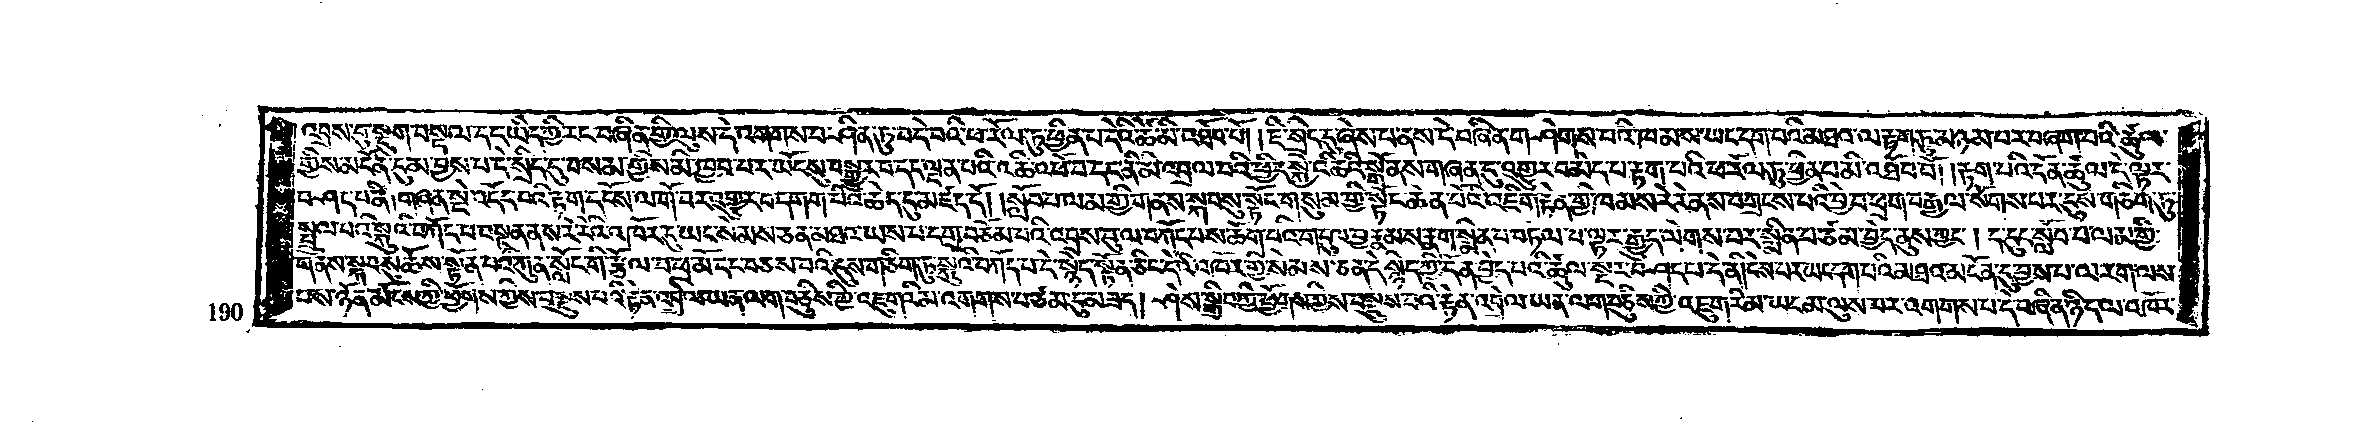འབྲས་བུ་སྡུག་བསྔལ་དང་ཡིད་གྱི་རང་བཞིན་གྱི་ལུས་དེ་འགགས་པ་ཤིན་ཏུ་བདེ་བའི་ཕ་རོལ་ཏུ་ཕྱིན་པ་དེའི་ཚེ་མི་འཐོབ་བོ། །ཇི་སྲིད་དུ་ཞེས་པ་ནས་དེ་བཞིན་གཤེགས་པའི་ཁམས་ཡང་དག་པའི་མཐའ་ལ་རྟག་ཏུ་མཉམ་པར་བཞག་པའི་ཚུལ་
གྱིས་མངོན་དུ་མ་བྱས་པ་དེ་སྲིད་དུ་བསམ་གྱི་མི་ཁྱབ་པར་ཡོངས་སུ་བསྒྱུར་བ་དང་ལྡན་པའི་འཆི་འཕོ་བ་དང་ནི་མི་འབྲལ་བའི་ཕྱིར་སྐྱེ་འཆིའི་སྒོ་ནས་གཞན་དུ་འགྱུར་བ་མེད་པ་རྟག་པའི་ཕ་རོལ་ཏུ་ཕྱིན་པ་མི་འཐོབ་བོ། །རྟག་པའི་དོན་ཚུལ་དེ་ལྟར་
བཤད་པ་ནི། གཞན་སྡེ་འདོད་པའི་རྟག་དངོས་ལ་གོ་བར་འགྱུར་བ་དགག་པའི་ཆེད་དུ་མཛད་དོ། །སློབ་པ་ལམ་གྱི་གནས་སྐབས་སུ་སྟོང་གསུམ་གྱི་སྟོང་ཆེན་པོའི་འཇིག་རྟེན་གྱི་ཁམས་རེ་རེ་ནས་བགྲངས་པའི་བྱེ་བ་ཕྲག་བརྒྱ་ལ་སོགས་པར་དུས་གཅིག་ཏུ་
སྤྲུལ་པའི་སྐུའི་བཀོད་པ་བསྟན་ནས་རེ་རེའི་འཁོར་དུ་ཡང་སེམས་ཅན་མཐའ་ཡས་པ་དགྲ་བཅོམ་པའི་འབྲས་བུ་ལ་བཀོད་པས་ཆོག་པའི་གདུལ་བྱ་རྣམས་རྣག་སྨིན་པ་བཏལ་བ་ལྟར་རྒྱུད་ལེགས་པར་སྨིན་པ་ཙམ་བྱེད་ནུས་ཀྱང་། ད་དུང་སློབ་པ་ལམ་གྱི་
གནས་སྐབས་སུ་ཆོས་སྟོན་པའི་ཀུན་སློང་གི་རྩོལ་བ་ཕྲ་མོ་དང་བཅས་པའི་དུས་གཅིག་ཏུ་སྐུའི་བཀོད་པ་དེ་སྙེད་སྟོན་ཅིང་དེའི་འཁོར་གྱི་སེམས་ཅན་དེ་སྙེད་ཀྱི་དོན་བྱེད་པའི་ཚུལ་སྔར་བཤད་པ་དེ་ནི། ངེས་པར་ཡང་དག་པའི་མཐའ་མངོན་དུ་བྱས་པ་ལ་རག་ལས་
པས་ཉོན་མོངས་ཀྱི་ཕྱོགས་ཀྱིས་བསྡུས་པའི་རྟེན་འབྲེལ་ཡན་ལག་བཅུ་གཉིས་ཀྱི་འཇུག་རིམ་འགགས་པ་ཙམ་དུ་མ་ཟད། ཤེས་སྒྲིབ་ཀྱི་ཕྱོགས་ཀྱིས་བསྡུས་པའི་རྟེན་འབྲེལ་ཡན་ལག་བཅུ་གཉིས་ཀྱི་འཇུག་རིམ་ཡང་མ་ལུས་པར་འགགས་པ་དེ་བཞིན་ཉིད་ལ་འཁོར་